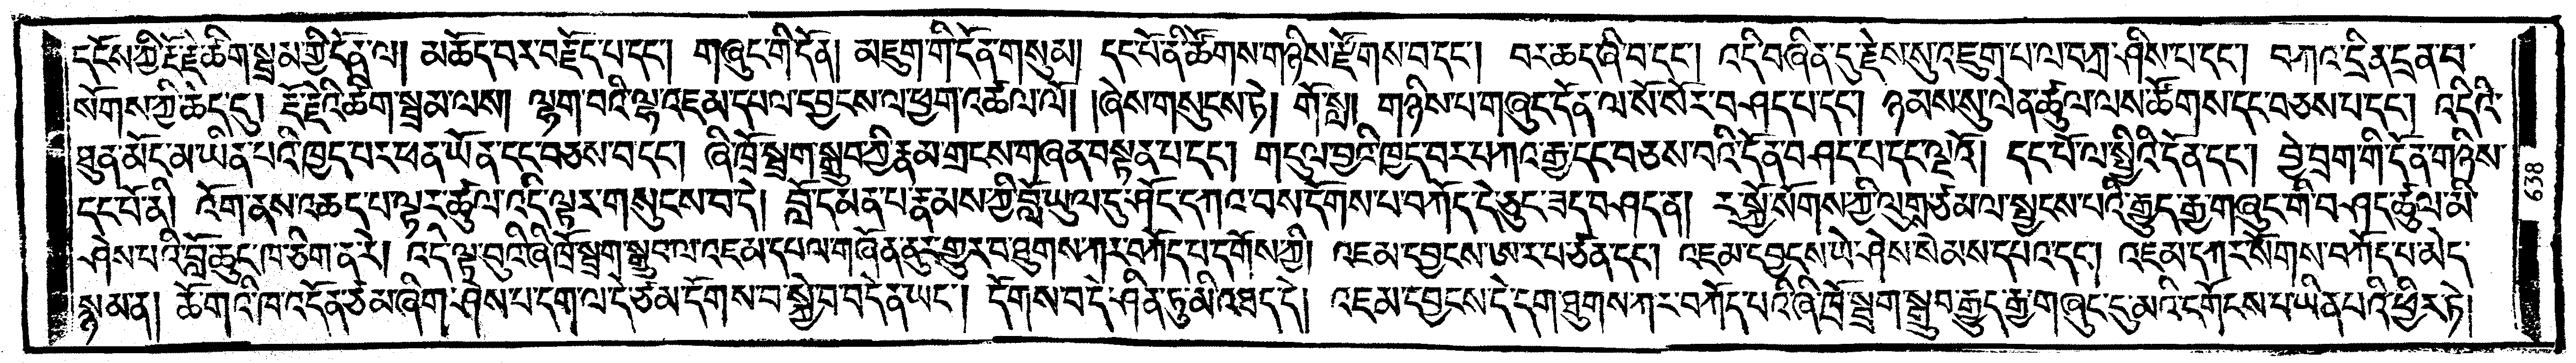དངོས་ཀྱི་རྡོ་རྗེ་ཚིག་སྦྲམ་གྱི་དོན་ལ། མཆོད་པར་བརྗོད་པ་དང་། གཞུང་གི་དོན། མཇུག་གི་དོན་གསུམ། དང་པོ་ནི་ཚོགས་གཉིས་རྫོགས་བ་དང་། བར་ཆད་ཞི་བ་དང་། འདི་བཞིན་དུ་རྗེས་སུ་འཇུག་པ་ལ་བཀྲ་ཤིས་པ་དང་། བཀའ་དྲིན་དྲན་བ་
སོགས་ཀྱི་ཆེད་དུ། རྡོ་རྗེའི་ཚིག་སྦྲམ་ལས། ལྷག་བའི་ལྷ་འཇམ་དཔལ་དབྱངས་ལ་ཕྱག་འཚལ་ལོ། །ཞེས་གསུངས་ཏེ། གོ་སླ། གཉིས་པ་གཞུང་དོན་ལ་སོ་སོར་བཤད་པ་དང་། ཉམས་སུ་ལེན་ཚུལ་ལས་ཚོགས་དང་བཅས་པ་དང་། འདིའི་
ཐུན་མོང་མ་ཡིན་པའི་ཁྱད་པར་ཕན་ཡོན་དང་བཅས་བ་དང་། ཞི་ཁྲོ་སྦྲག་སྒྲུབ་ཀྱི་རྣམ་གྲངས་གཞན་བསྟན་པ་དང་། གདུལ་བྱའི་ཁྱད་པར་བཀའ་རྒྱ་དང་བཅས་བའི་དོན་བཤད་པ་དང་ལྔའོ། དང་པོ་ལ་སྤྱིའི་དོན་དང་། བྱེ་བྲག་གི་དོན་གཉིས་
དང་པོ་ནི། འོག་ནས་འཆད་པ་ལྟར་ཚུལ་འདི་ལྟར་གསུངས་བ་དེ། བློ་དམན་པ་རྣམས་ཀྱི་བློ་ཡུལ་དུ་ཤོང་དཀའ་བས་དོགས་པ་བཀོད་དེ་ཅུང་ཟད་བཤད་ན། ར་སྐྱོ་སོགས་ཀྱི་ལུགས་ཙམ་ལ་སྤྱངས་པའི་རྒྱུད་རྒྱ་གཞུང་གི་བཤད་ཚུལ་མི་
ཤེས་པའི་བློ་ཆུང་ཁ་ཅིག་ན་རེ། འདི་ལྟ་བུའི་ཞི་ཁྲོ་སྦྲག་སྒྲུབ་ལ་འཇམ་དཔལ་གཞོན་ནུར་གྱུར་བ་ཐུགས་ཀར་བཀོད་པ་དགོས་ཀྱི། འཇམ་དབྱངས་ཨ་ར་པ་ཙ་ན་དང་། འཇམ་དབྱངས་ཡེ་ཤེས་སེམས་དཔའ་དང་། འཇམ་དཀར་སོགས་བཀོད་པ་མེད་
སྙམ་ན། ཆོ་གའི་ཁ་འདོན་ཙམ་ཞིག་ཤེས་པ་དག་ལ་དེ་ཙམ་དོགས་པ་སྐྱེ་བ་བདེན་ཡང་། དོགས་བ་དེ་ཤིན་ཏུ་མི་འཐད་དེ། འཇམ་དབྱངས་དེ་དག་ཐུགས་ཀར་བཀོད་པའི་ཞི་ཁྲོ་སྦྲག་སྒྲུབ་རྒྱུད་རྒྱ་གཞུང་དུ་མའི་དགོངས་པ་ཡིན་པའི་ཕྱིར་ཏེ།